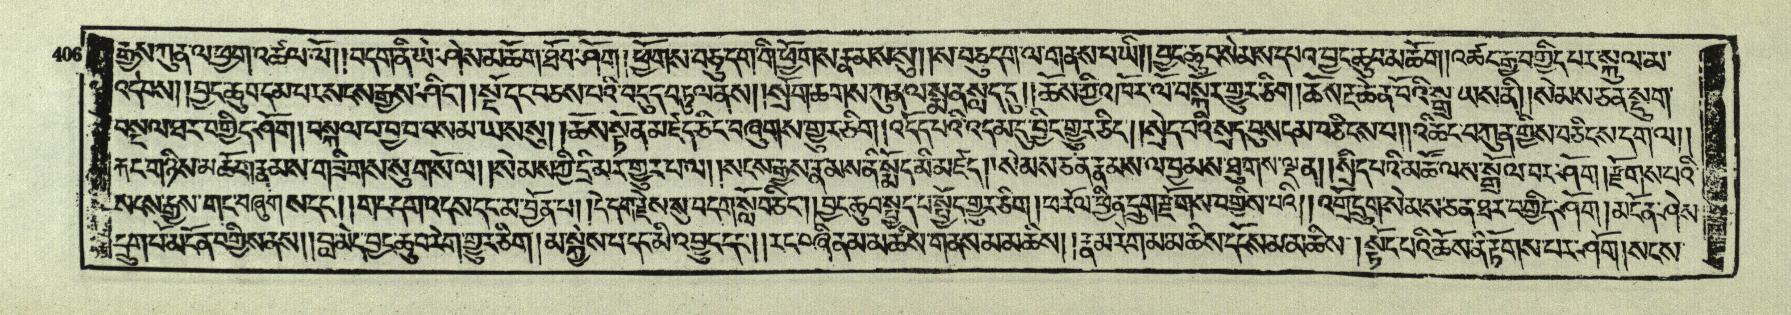རྒྱས་ཀུན་ལ་ཕྱག་འཚལ་ལོ། །བདག་ནི་ཡེ་ཤེས་མཆོག་ཐོབ་ཤོག །ཕྱོགས་བཅུ་དག་གི་ཕྱོགས་རྣམས་སུ། །ས་བཅུ་དག་ལ་གནས་པ་ཡི། །བྱང་ཆུབ་སེམས་དཔའ་བྱང་ཆུབ་མཆོག། །འཚང་རྒྱ་བགྱིད་པར་སྐུལ་མ་
འདེབས། །བྱང་ཆུབ་དམ་པར་སངས་རྒྱས་ཤིང་། །སྡོ་དང་བཅས་པའི་བདུད་བཏུལ་ནས། །སྲོག་ཆགས་ཀུན་ལ་སྨན་སླད་དུ། །ཆོས་ཀྱི་འཁོར་ལོ་བསྐོར་གྱུར་ཅིག །ཆོས་རྔ་ཆེན་པོའི་སྒྲ་ཡས་ནི། །སེམས་ཅན་སྡུག་
བསྔལ་ཐར་བགྱིད་ཤོག །བསྐལ་པ་བྱ་བ་བསམ་ཡས་སུ། །ཆོས་སྟོན་མཛད་ཅིང་བཞུགས་གྱུར་ཅིག །འདོད་པའི་འདམ་དུ་བྱིང་གྱུར་ཅིང་། །སྲེད་པའི་སྲད་བུས་དམ་བཅིངས་པ། །འཆིང་བཀུན་གྱིས་བཅིངས་དག་ལ།།
རྐང་གཉིས་མཆོག་རྣམས་གཟིགས་སུ་གསོལ། །སེམས་ཀྱི་དྲི་མར་གྱུར་པ་ལ། །སངས་རྒྱས་རྣམས་ནི་སྨོད་མི་མཛད། །སེམས་ཅན་རྣམས་ལ་བྱམས་ཐུགས་ལྡན། །སྲིད་པའི་མཚོ་ལས་སྒྲོལ་བར་ཤོག །རྫོགས་པའི་
སངས་རྒྱས་གང་བཞུགས་དང་། །གང་དག་འདས་དང་མ་བྱོན་པ། །དེ་དག་རྗེས་སུ་བདག་སློབ་ཅིང་། །བྱང་ཆུབ་སྤྱད་པ་སྤྱོད་གྱུར་ཅིག། །ཕ་རོལ་ཕྱིན་དྲུག་རྫོགས་བགྱིས་པའི། །འགྲོ་དྲུག་སེམས་ཅན་ཐར་བགྱིད་ཤོག །མངོན་ཤེས་
དྲུག་པོ་མངོན་བགྱིས་ནས། །བླ་མེད་བྱང་ཆུབ་རེག་གྱུར་ཅིག། མ་སྐྱེས་པ་དང་མི་འབྱུང་དང་། །རང་བཞིན་ནམ་མཆིས་གནས་མ་མཆིས། །རྣམ་རིག་མ་མཆིས་དངོས་མ་མཆིས། སྟོང་པའི་ཆོས་ནི་རྟོགས་པར་ཤོག །སངས་